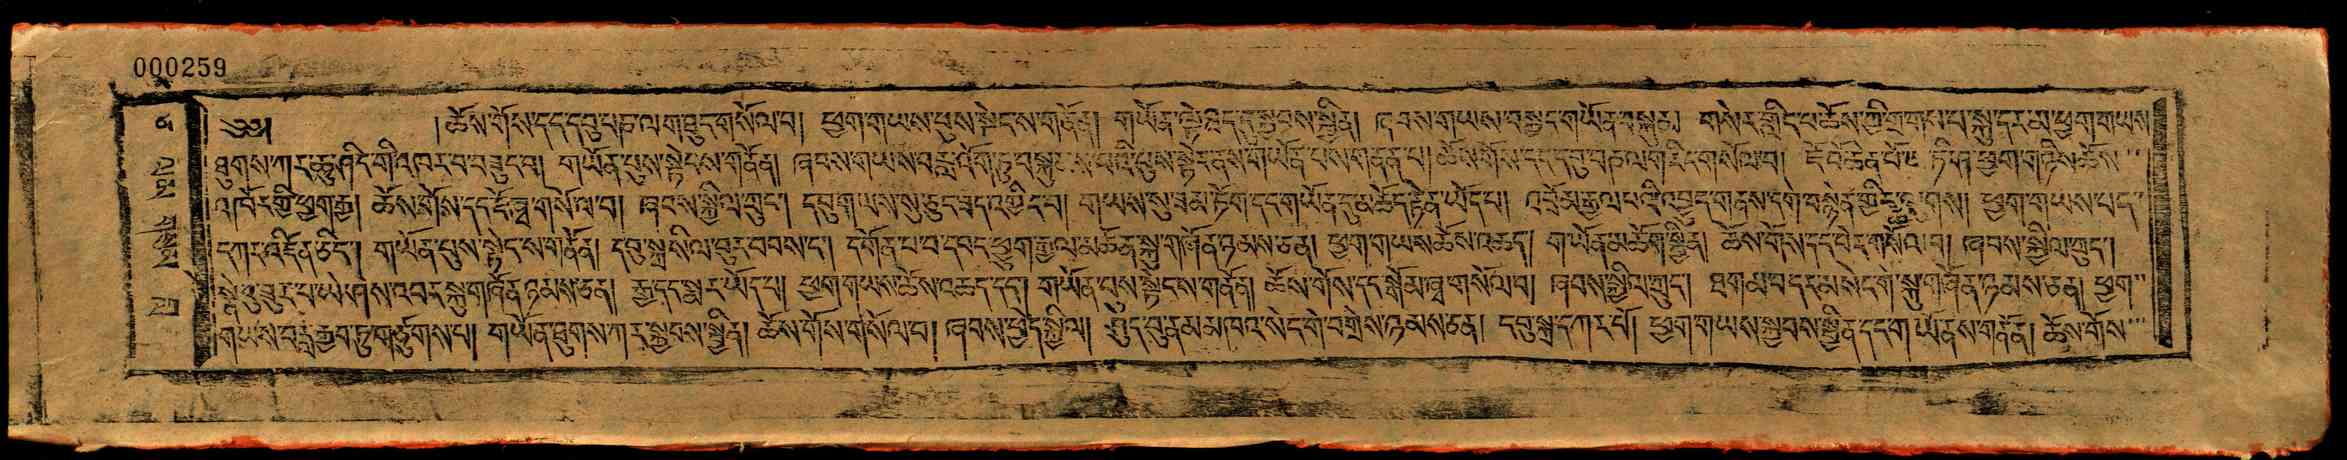༄༅། །ཆོས་གོས་དང་དབུ་པཎ་ལག་ཐུང་གསོལ་བ། ཕྱག་གཡས་པུས་སྟེང་ས་གནོན། གཡོན་ལྟེ་ཐད་དུ་སྐྱབས་སྦྱིན། ཞབས་གཡས་བརྐྱང་གཡོན་བསྐུམ། གསེར་གླིང་པ་ཆོས་ཀྱི་གྲགས་པ་སྐུ་དང་མ་ཕྱག་གཡས་
ཐུགས་ཀར་ཆུ་ཤིང་གི་འཁར་བ་བཟུང་བ། གཡོན་པུས་སྟེང་ས་གནོན། ཞབས་གཡས་བརླ་འོག་ཏུ་བསྐུམས་པའི་པུས་སྟེང་ནས་གཡོན་པས་གནན་པ། ཆོས་གོས་དང་དབུ་པཎ་ལག་རིང་གསོལ་བ། ཇོ་བོ་ཆེན་པོ་ཨ་ཏི་ཤ་ཕྱག་གཉིས་ཆོས་
འཁོར་གྱི་ཕྱག་རྒྱ། ཆོས་གོས་དང་ཇོ་ཞྭ་གསོལ་པ། ཞབས་སྐྱིལ་ཀྲུང་། དབུ་གཡས་སུ་ཅུང་ཟད་འགྱིང་པ། གཡས་སུ་ཟ་མ་ཏོག་དང་གཡོན་དུ་མཆོད་རྟེན་ཡོད་པ། འབྲོམ་རྒྱལ་བའི་འབྱུང་གནས་དགེ་བསྙེན་གྱི་ཆ་ལུགས། ཕྱག་གཡས་པད་
དཀར་འཛིན་ཅིང་། གཡོན་པུས་སྟེང་ས་གནོན། དབུ་སྐྲ་སིལ་བུར་བབས་པ། དགོན་བ་བ་དབང་ཕྱུག་རྒྱལ་མཚན་སྐུ་གཞོན་ཉམས་ཅན། ཕྱག་གཡས་ཆོས་འཆད། གཡོན་མཆོག་སྦྱིན། ཆོས་གོས་དང་བེར་གསོལ་བ། ཞབས་སྐྱིལ་ཀྲུང་།
སྣེ་འུ་ཟུར་པ་ཡེ་ཤེས་འབར་སྐུ་གཞོན་ཉམས་ཅན། རྒྱ་དང་སྨ་ར་ཡོད་པ། ཕྱག་གཡས་ཆོས་འཆད་དང་། གཡོན་པུས་སྟེང་ས་གནོན། ཆོས་གོས་དང་སྒོམ་ཞྭ་གསོལ་བ། ཞབས་སྐྱིལ་ཀྲུང་། ཐག་མ་བ་དར་མ་སེང་གེ་སྐུ་གཞོན་ཉམས་ཅན། ཕྱག་
གཡས་བརླ་རྒྱབ་ཏུ་གཙུགས་པ། གཡོན་ཐུགས་ཀར་སྐྱབས་སྦྱིན། ཆོས་གོས་གསོལ་བ། ཞབས་ཕྱེད་སྐྱིལ། ཤུད་བུ་ནམ་མཁའ་སེང་གེ་བགྲེས་ཉམས་ཅན། དབུ་སྐྲ་དཀར་པོ། ཕྱག་གཡས་སྐྱབས་སྦྱིན་དང་གཡོན་ས་གཞོན། ཆོས་གོས་